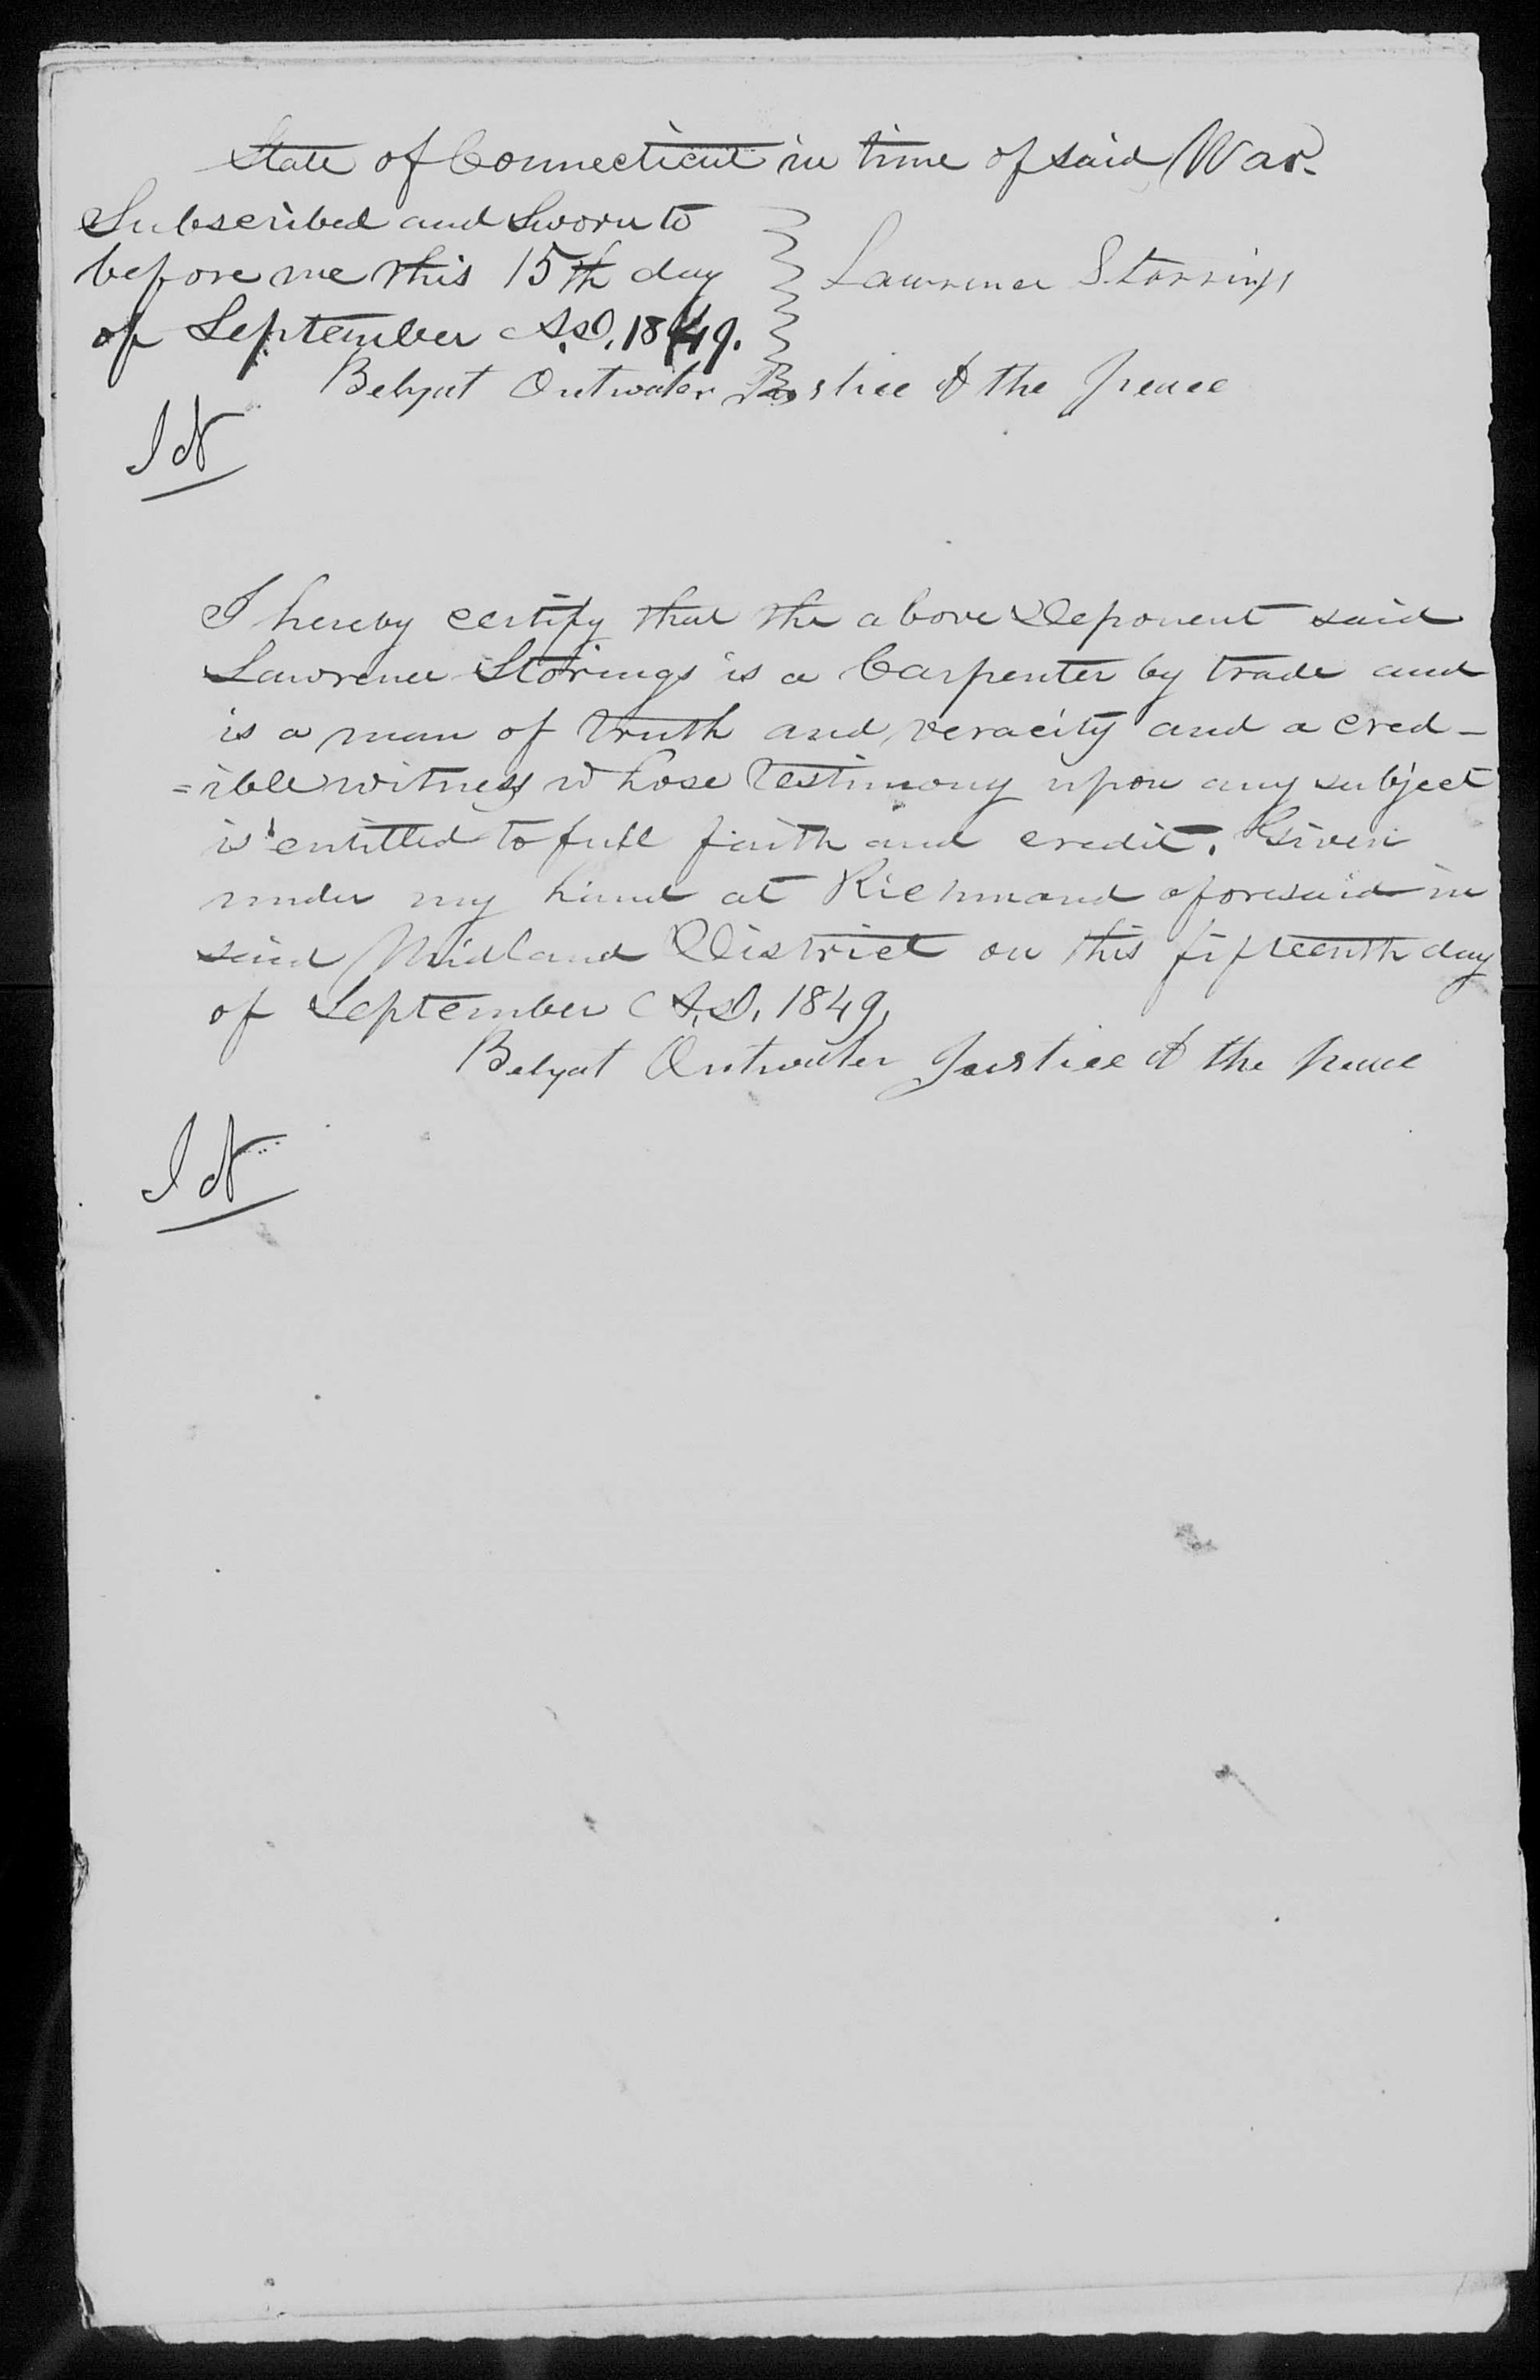State of Connecticut in time of said War.

Lawrence Storings

Subscribed and Sworn to before me this 15th day of September A.D. 1849.
Belyat Outwater Justice of the peace
[illegible]

I hereby certify that the above Deponent said Lawrence Storings is a Carpenter by trade and is a man of truth and veracity and a credible witness whose testimony upon any subject is entitled to full faith and credit. Given under my hand at Richmond aforesaid in said Midland District on this fifteenth day of September A.D. 1849.
Belyat Outwater Justice of the peace

[illegible]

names: Belyat Outwater, Belyat Outwater, Lawrence Storing, Lawrence Storing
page: 44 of 106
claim: survivor's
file: S 23,116., Joshua Benedict, Conn.